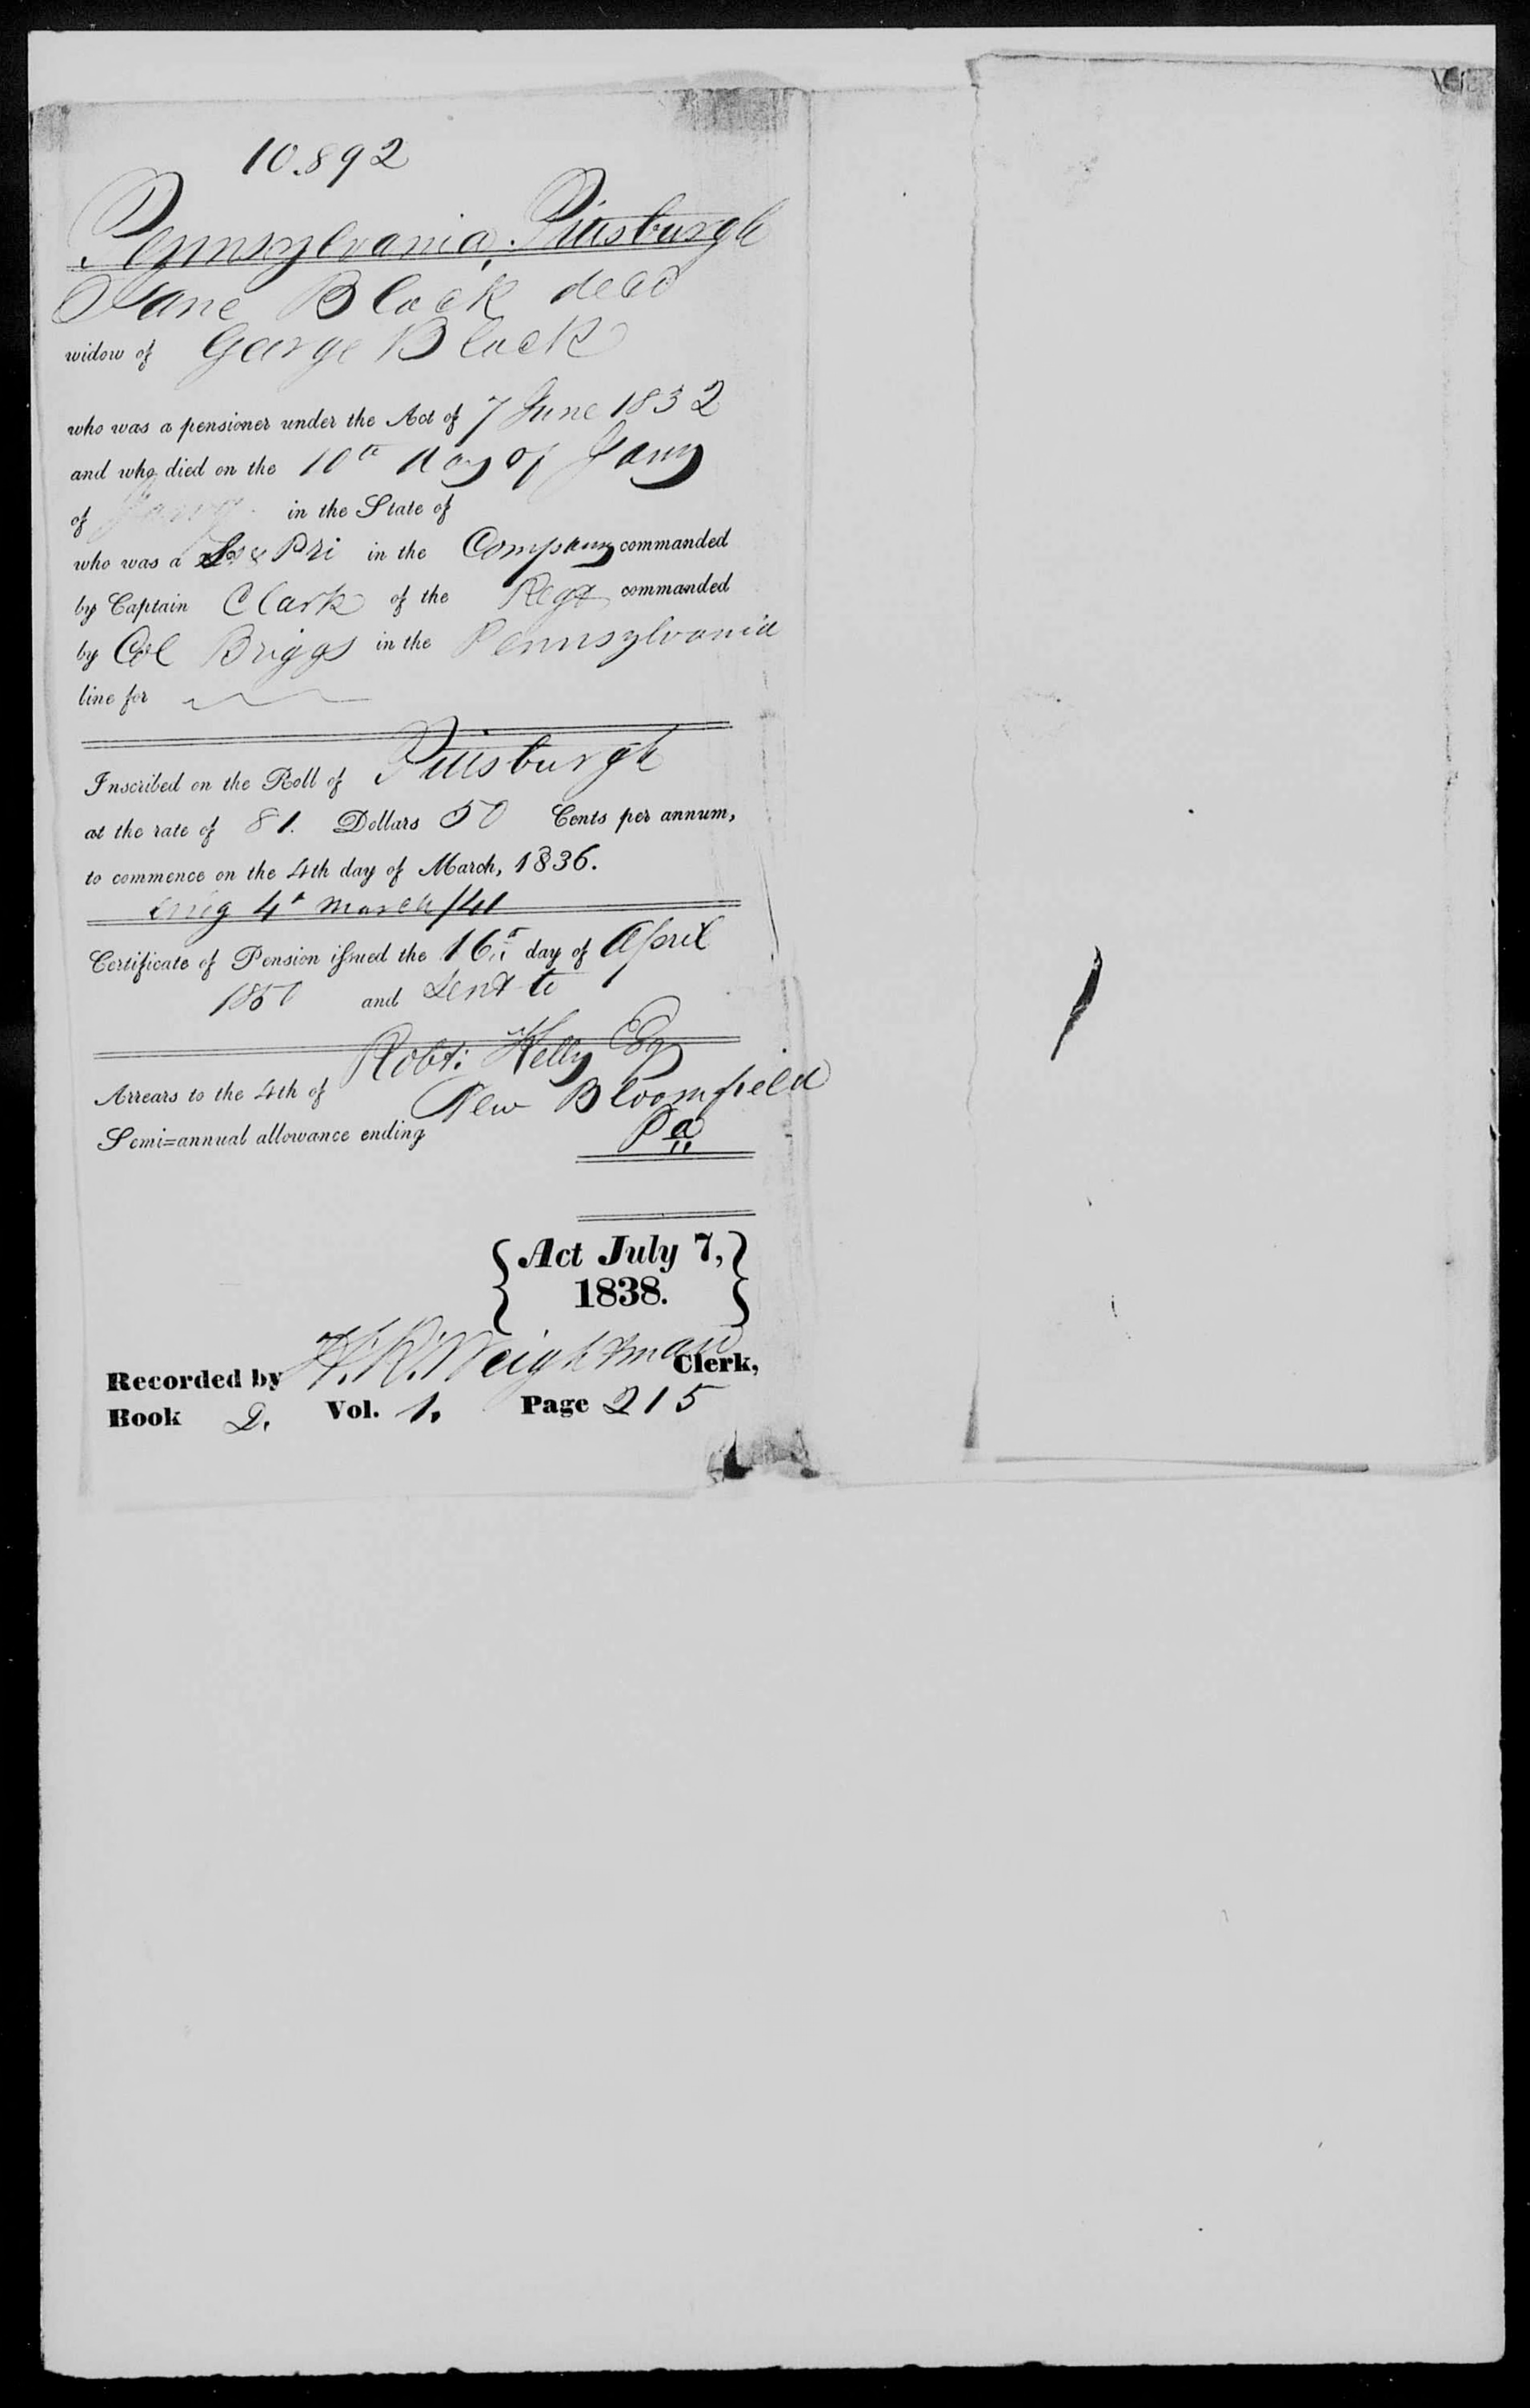10.892
Pennsylvania. Pittsburgh
__________________________________________

Jane Black dead
widow of George Black
who was a pensioner under the Act of 7 June 1832 and who died on the 10th day of Jany of [illegible] in the State of [blank]
who was a [illegible] & Pri in the Company commanded by Captain Clark of the Regt commanded by Col Briggs in the Pennsylvania line for ----------

____________________________________________________

Inscribed on the Roll of Pittsburgh at the rate of 81. Dollars 50 cents per annum, to commence on the 4th day of March, 1836.
[illegible] 4th march /41

__________________________________________________
Certificate of Pension issued the 16th day of April 1850 and sent to

__________________________________________________
Robt; Kelly Esq
Arrears to the 4th of
Wm Bloomfield
Semi=annual allowance ending   Pa

{Act July 7,}
{   1838     }

Recorded by H.R. Weightman Clerk,
Book D. Vol. [illegible]  Page 215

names: Robt Kelly, George Black, Jane Black, Briggs, H R Weightman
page: 26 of 30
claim: widow's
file: W. 3211, George Black, Penn.